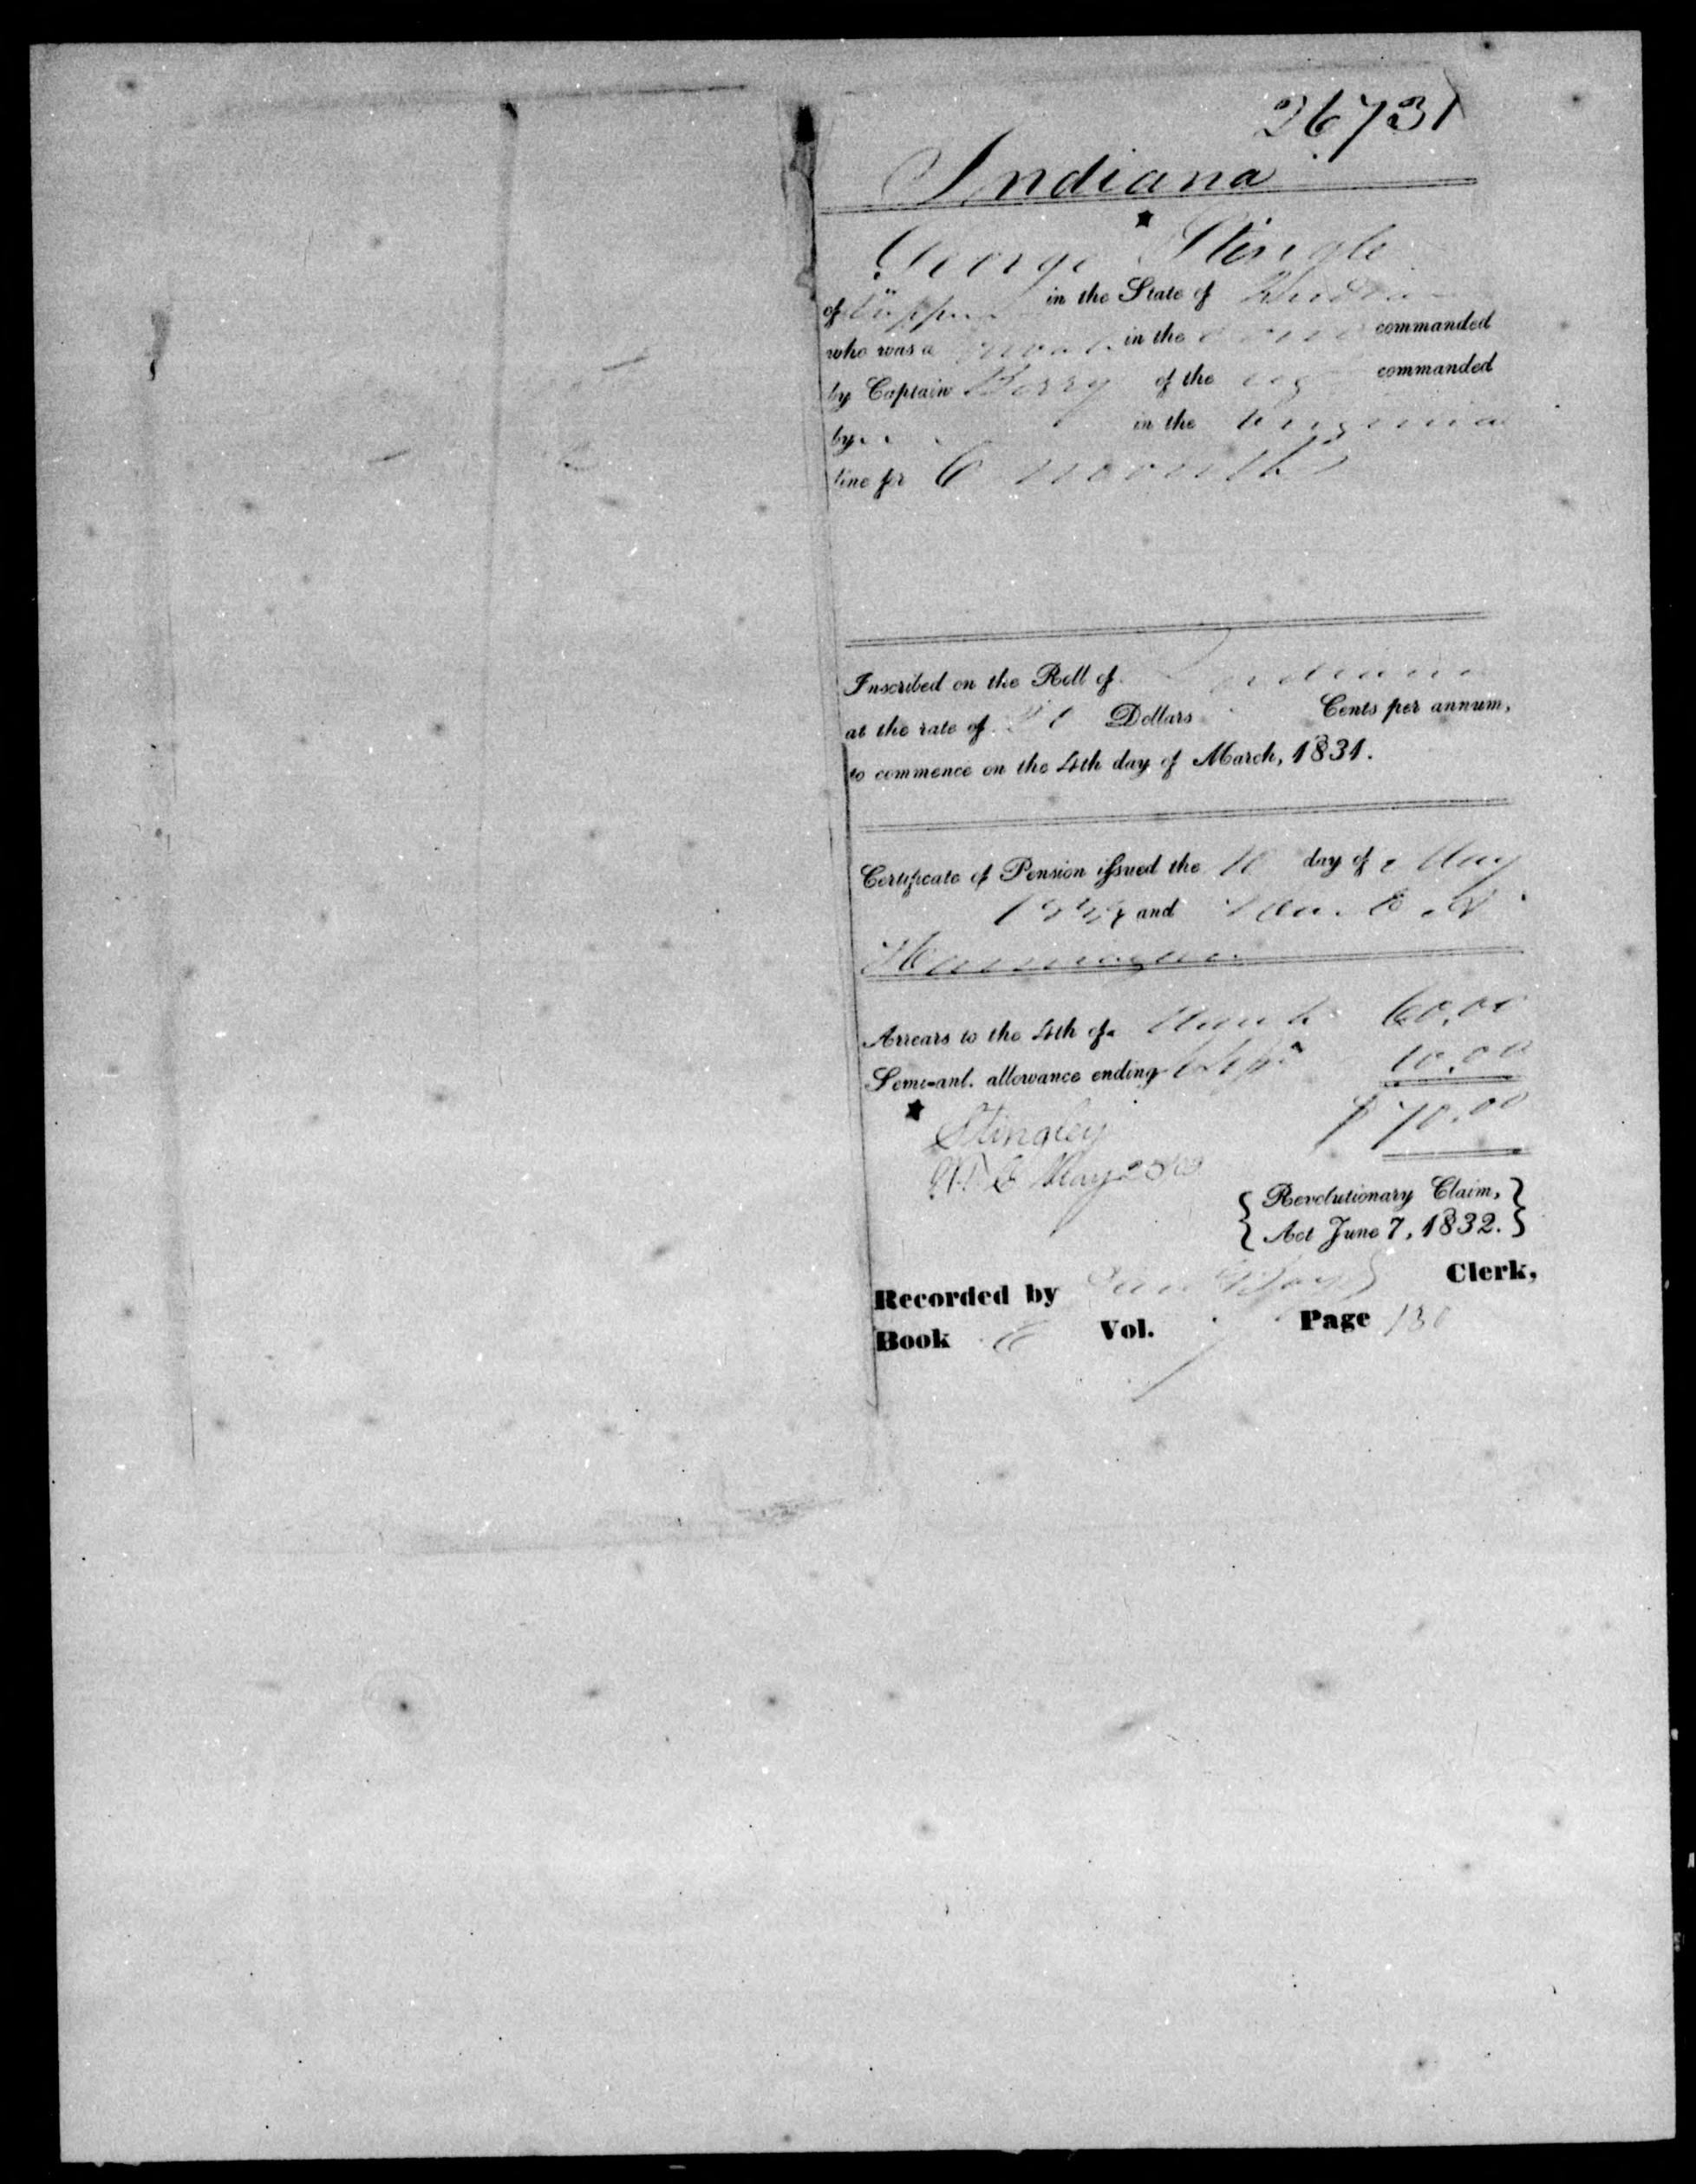26731
Indiana George Stingle
 of [illegible] in the State of Indiana who was a Private in the [illegible] commanded by Captain Barry of the Reg. commanded by [illegible] in the [illegible] line for 6 months 

Inscribed on the Roll of Indiana at the rate of 20 Dollars [?] Cents per annum to commence on the 4th Day of March, 1831.

Certificate of Pension issued the 10 day of May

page: 2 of 12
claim: survivor's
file: S. 32543, for George Stingley, Virginia